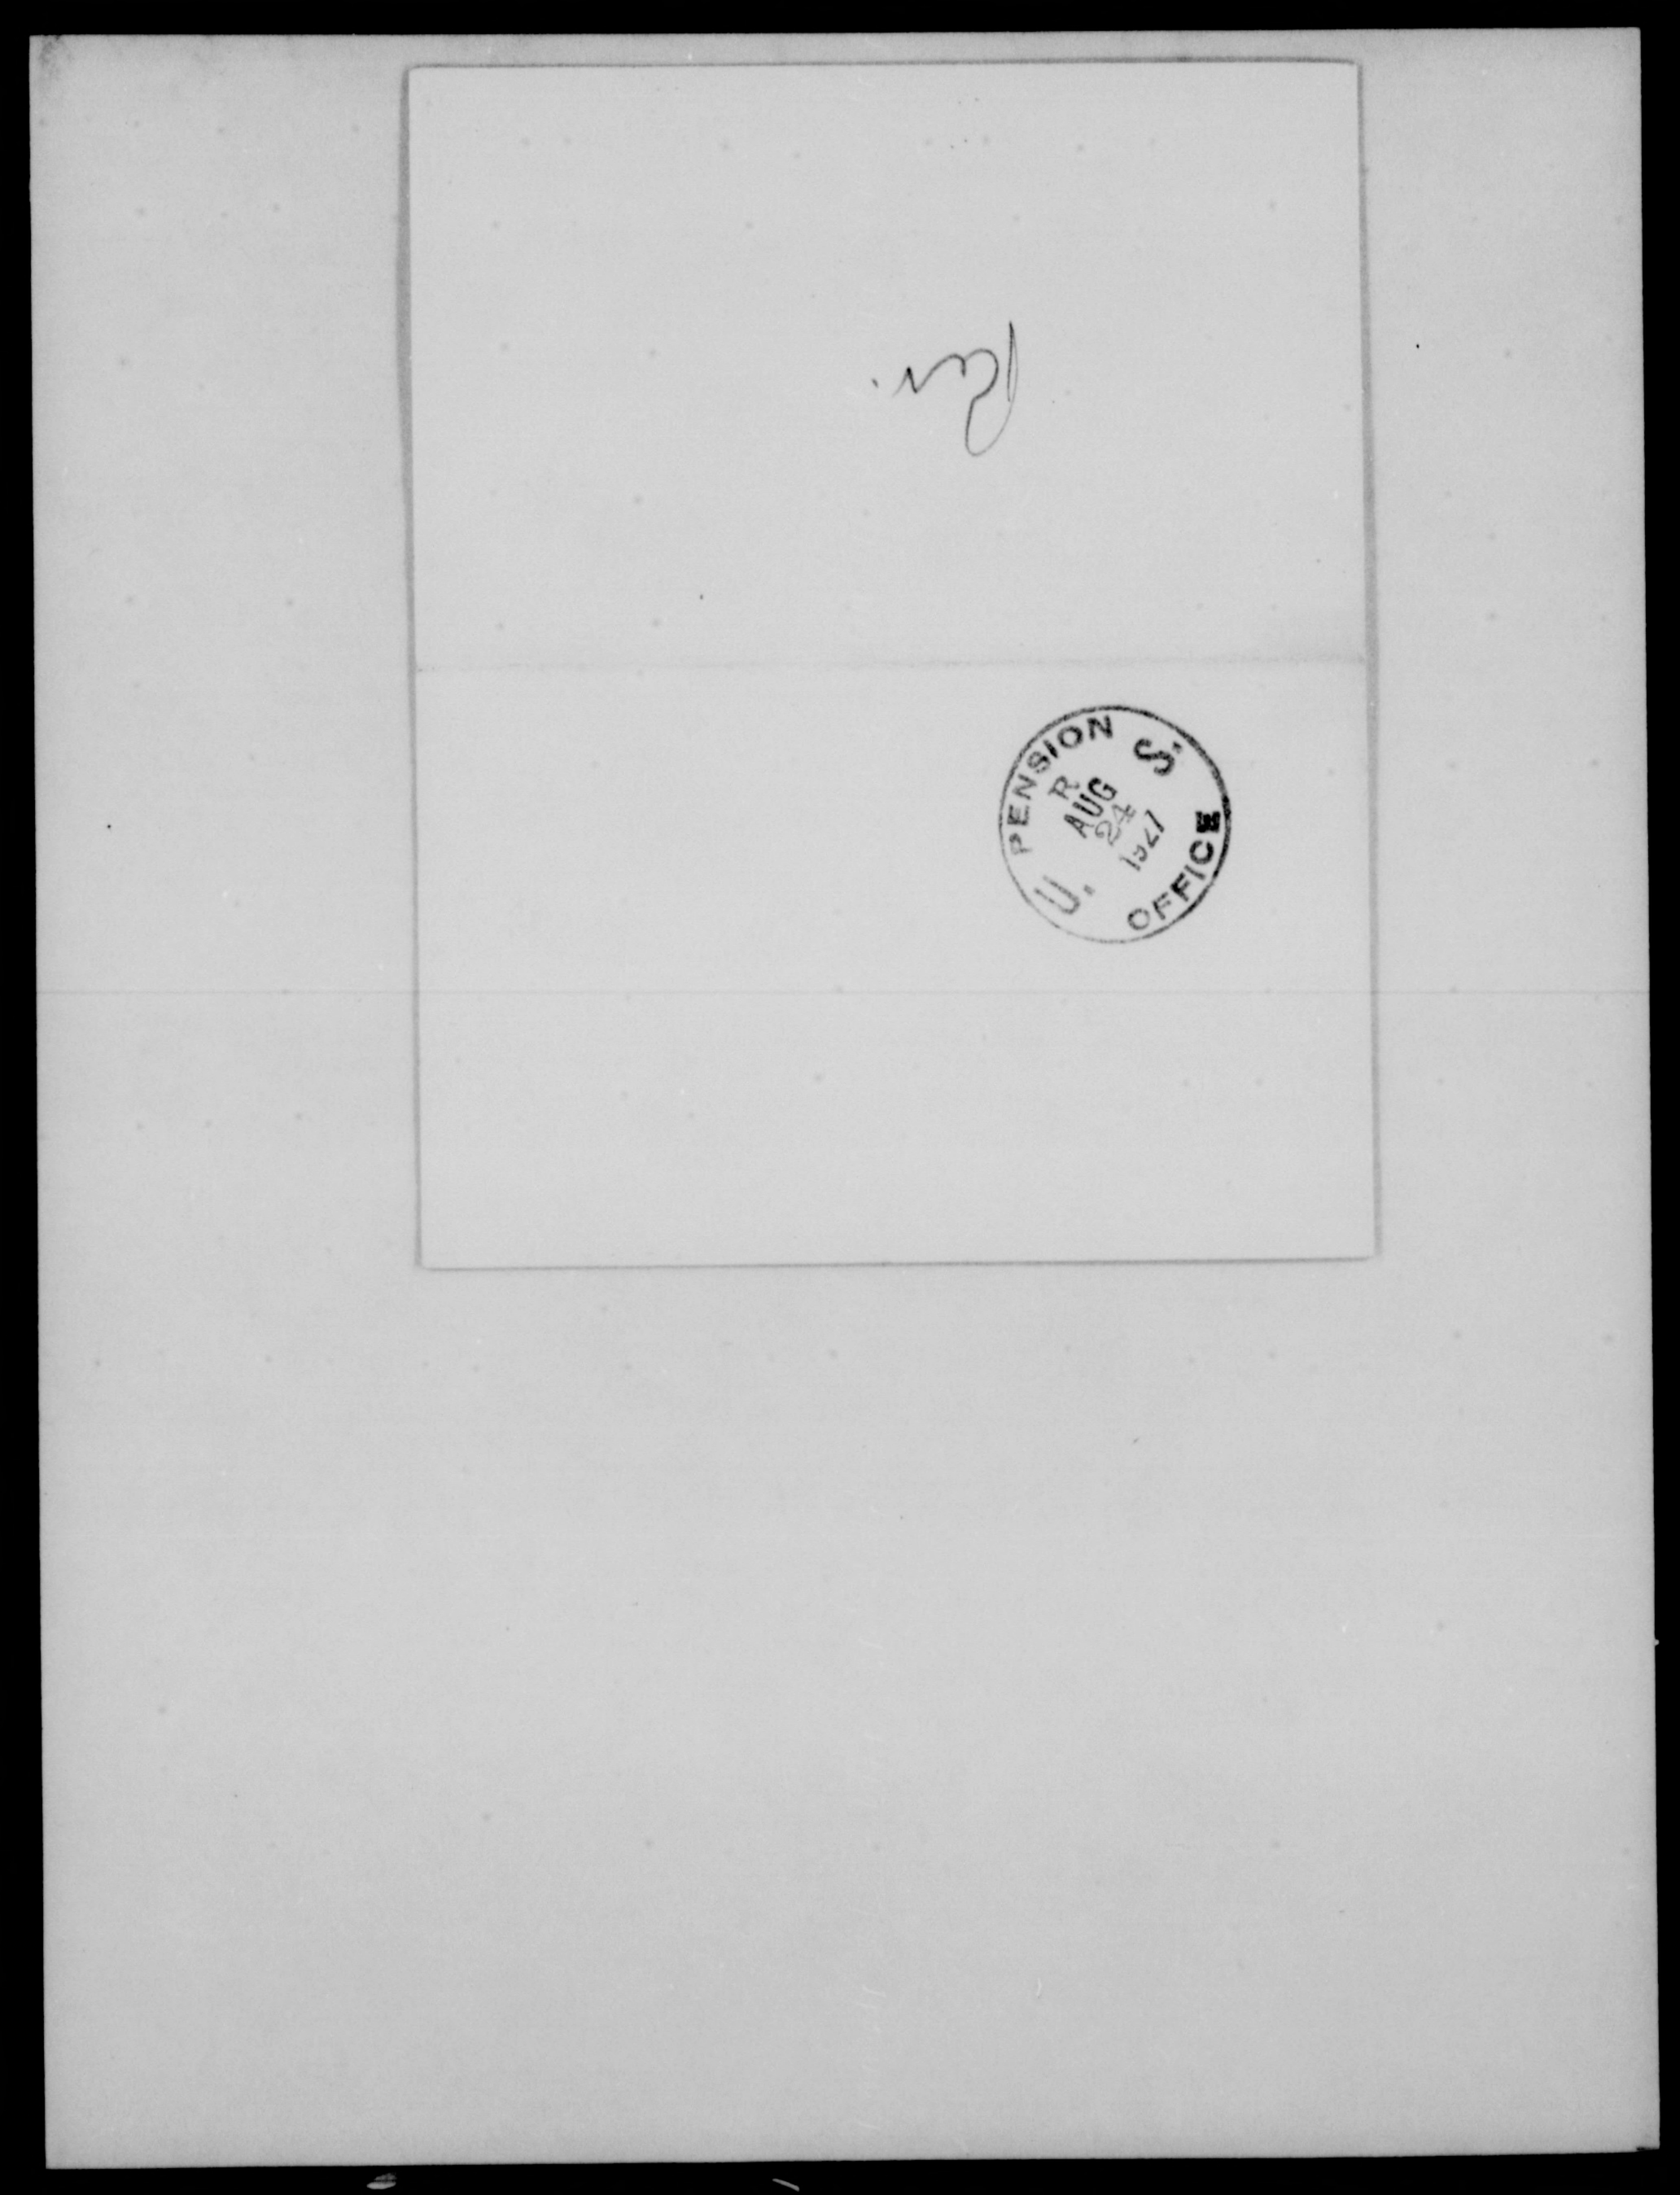Rev.
[stamp] PENSION U.S. OFFICE R AUG 24 1927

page: 18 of 19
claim: survivor's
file: S. 16250, for Jeffery Smith, Connecticut